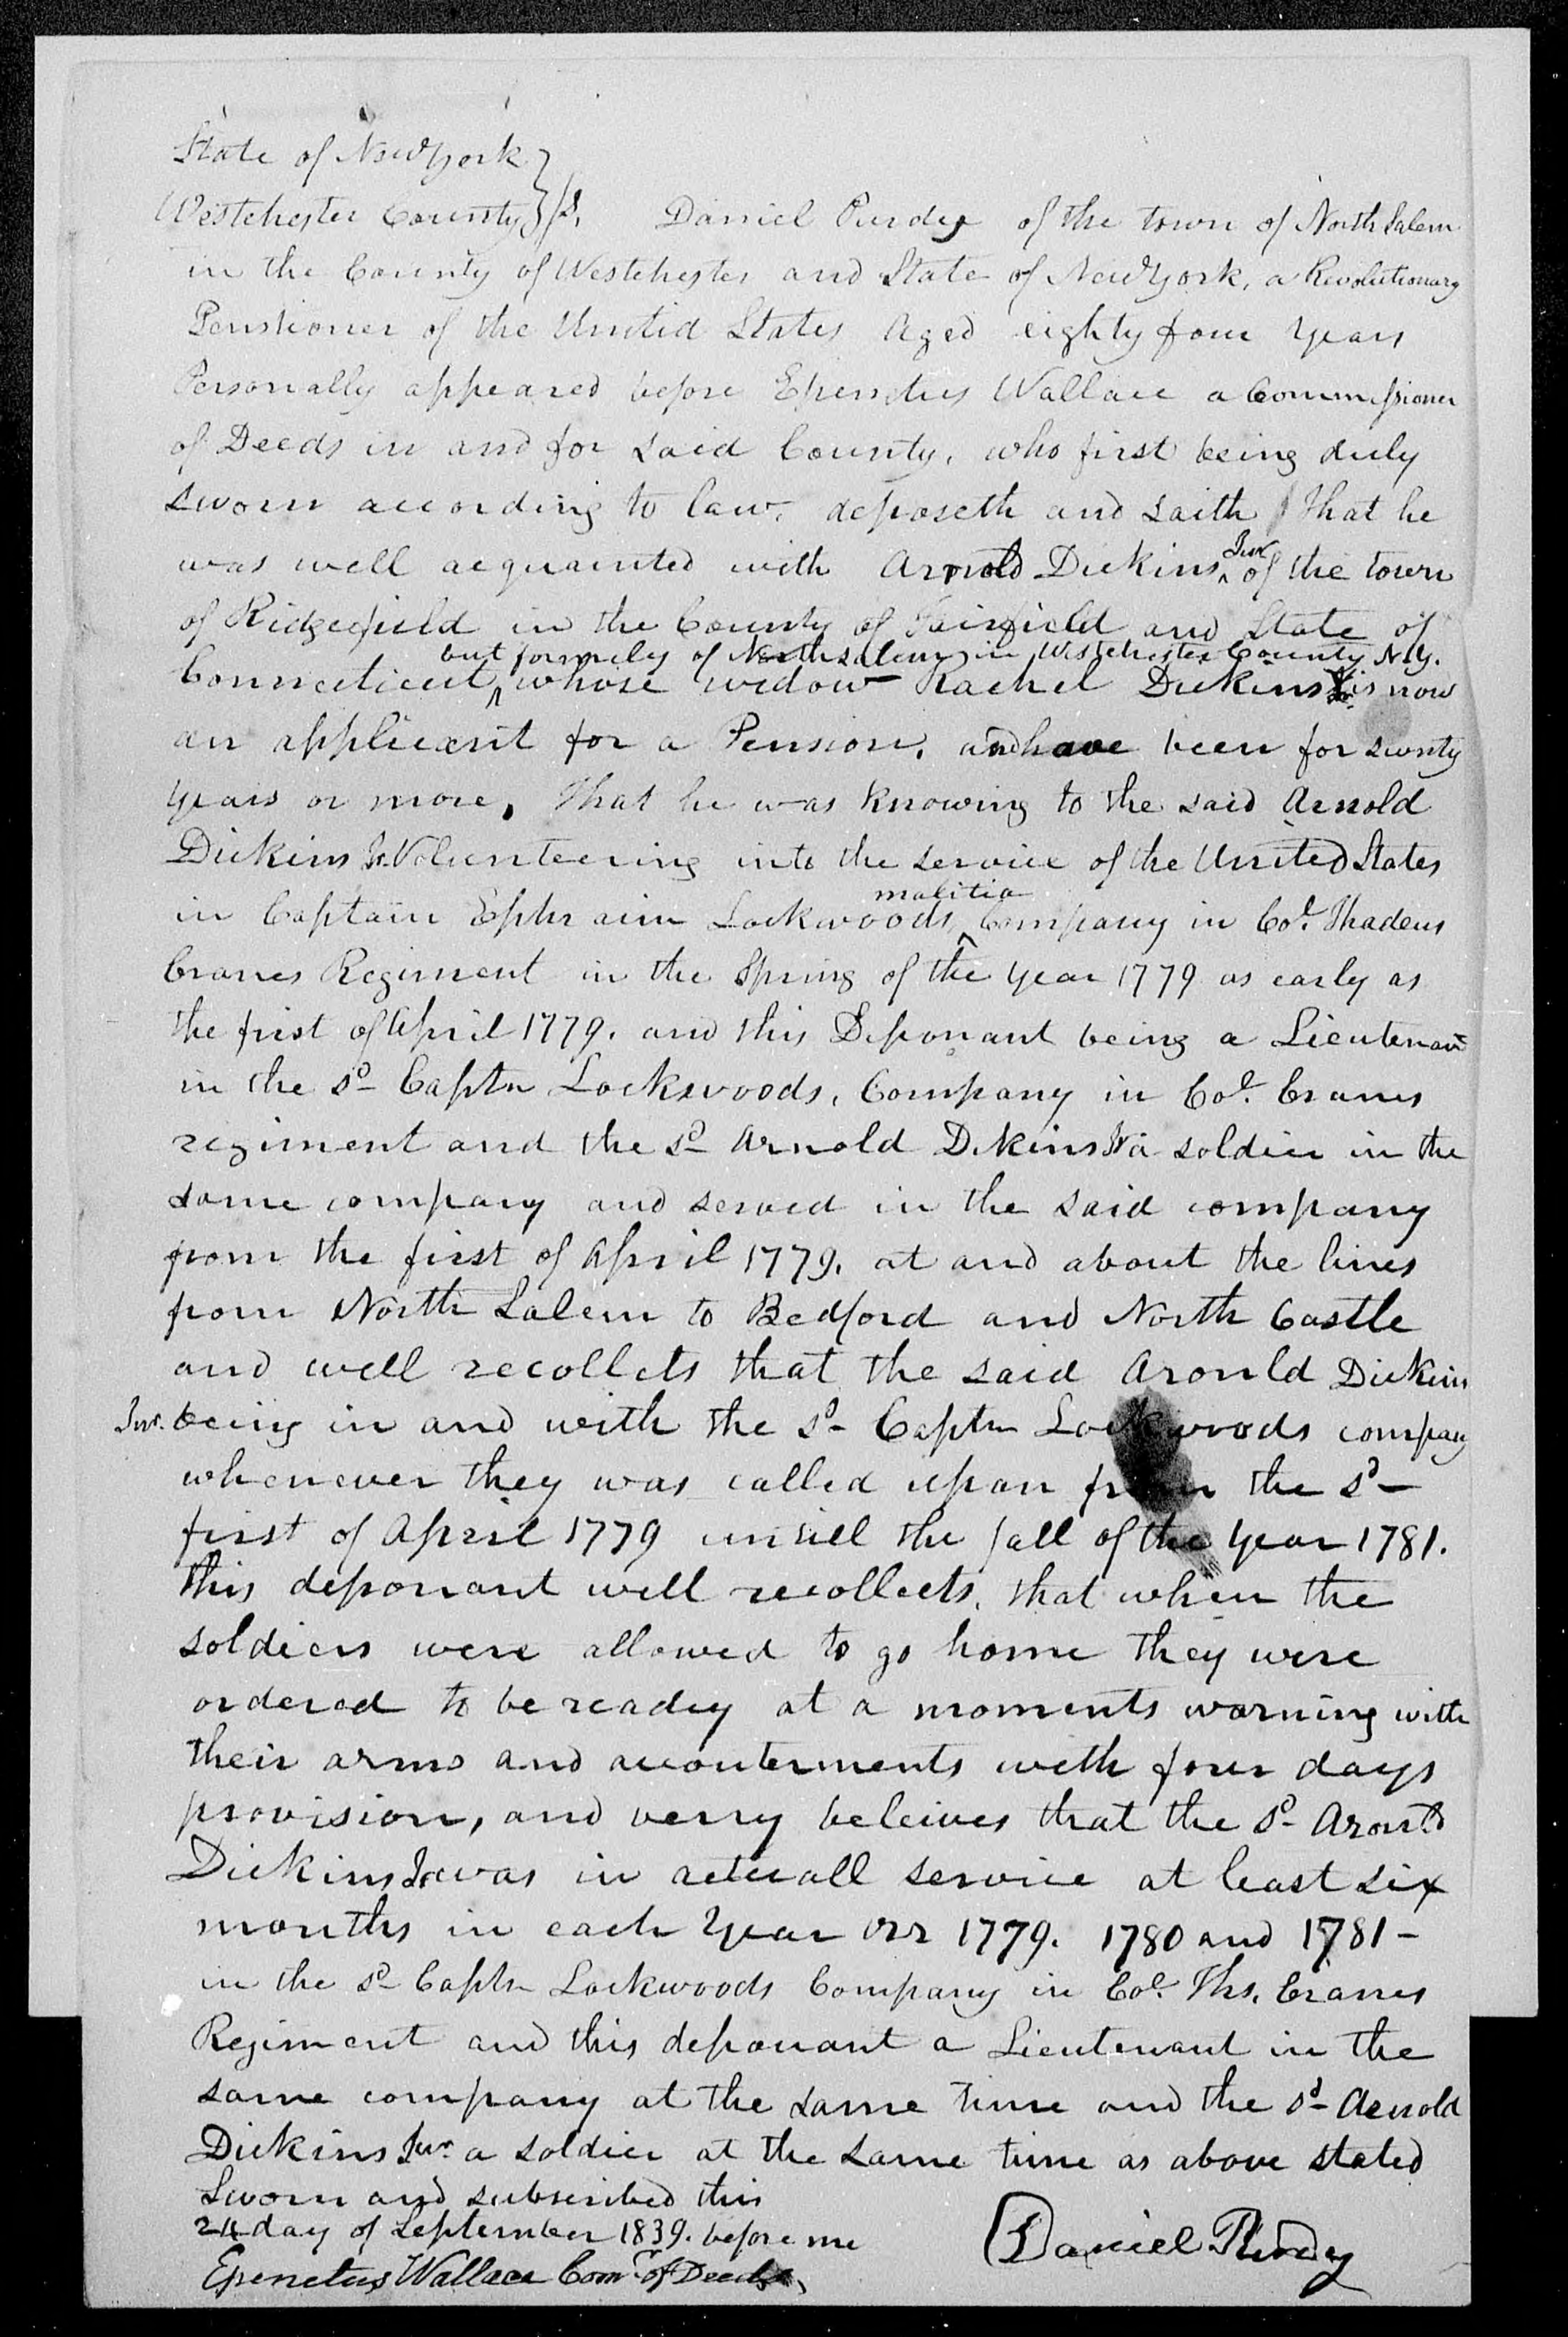State of New York}
Westchester County}  S.

Daniel Purdy of the town of North Salem in the County of Westchester and State of New York, a Revolutionary Pensioner of the United States aged eighty four years Personally appeared before Epenetus Wallace a Commissioner of Deeds in and for said County, who first being duly sworn according to law, deposeth and saith That he was well acquainted with Arnold Dickins ^Junr of the town of Ridgefield in the County of Fairfield and State of Connecticut ^but formerly of North Salem in Westchester County N. Y. whose widow Rachel Dickins is now an applicant for a Pension and have been for seventy years or more.  That he was knowing to the said Arnold Dickins Jr. Volunteering into the service of the United States in Captain Ephraim Lockwoods ^Malitia Company in Col. Thadeus Cranes Regiment in the Spring of the year 1779 as early as the first of April 1779.  and this Deponent being a Lieutenant in the sd Captn Lockwoods Company in Col. Cranes regiment and the sd Arnold Dikins Jr a soldier in the same company and served in the said company from the first of April 1779.  at and about the lines from North Salem to Bedford and North Castle and well recollects that the said Aronld Dickins Junr. being in and with the sd Captn Lockwoods company whenever they was called upon from the sd first of April 1779 untill the fall of the year 1781.  this deponant well recollects that when the soldiers were allowed to go home they were ordered to be ready at a moments warning with their arms and accouterments with four days provisions, and verry believes that the sd Aronld Dickins Jr  was in actuall service at least six months in each year viz 1779. 1780 and 1781 - in the sd Captn Lockwoods Company in Co. Ths. Cranes Regiment and this deponant a Lieutenant in the same company at the same time and the sd Arnold Dicking Junr a soldier at the same time as above stated
Daniel Purdy
Sworn and subscribed this 24 day of September 1839. before me
Epenetus Wallace Comr. of Deeds

Copyists note:  Copied as per original document including errors.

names: Dickins, Arnold Dickins, Daniel Purdy, Epenetus Wallace, Rachel Dickins, Daniel Purdy, Arnold Dickins, Arnold Dickins, Arnold Dickins, Epenetus Wallace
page: 22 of 29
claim: widow's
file: W. 17720, Arnold Dickens, New York